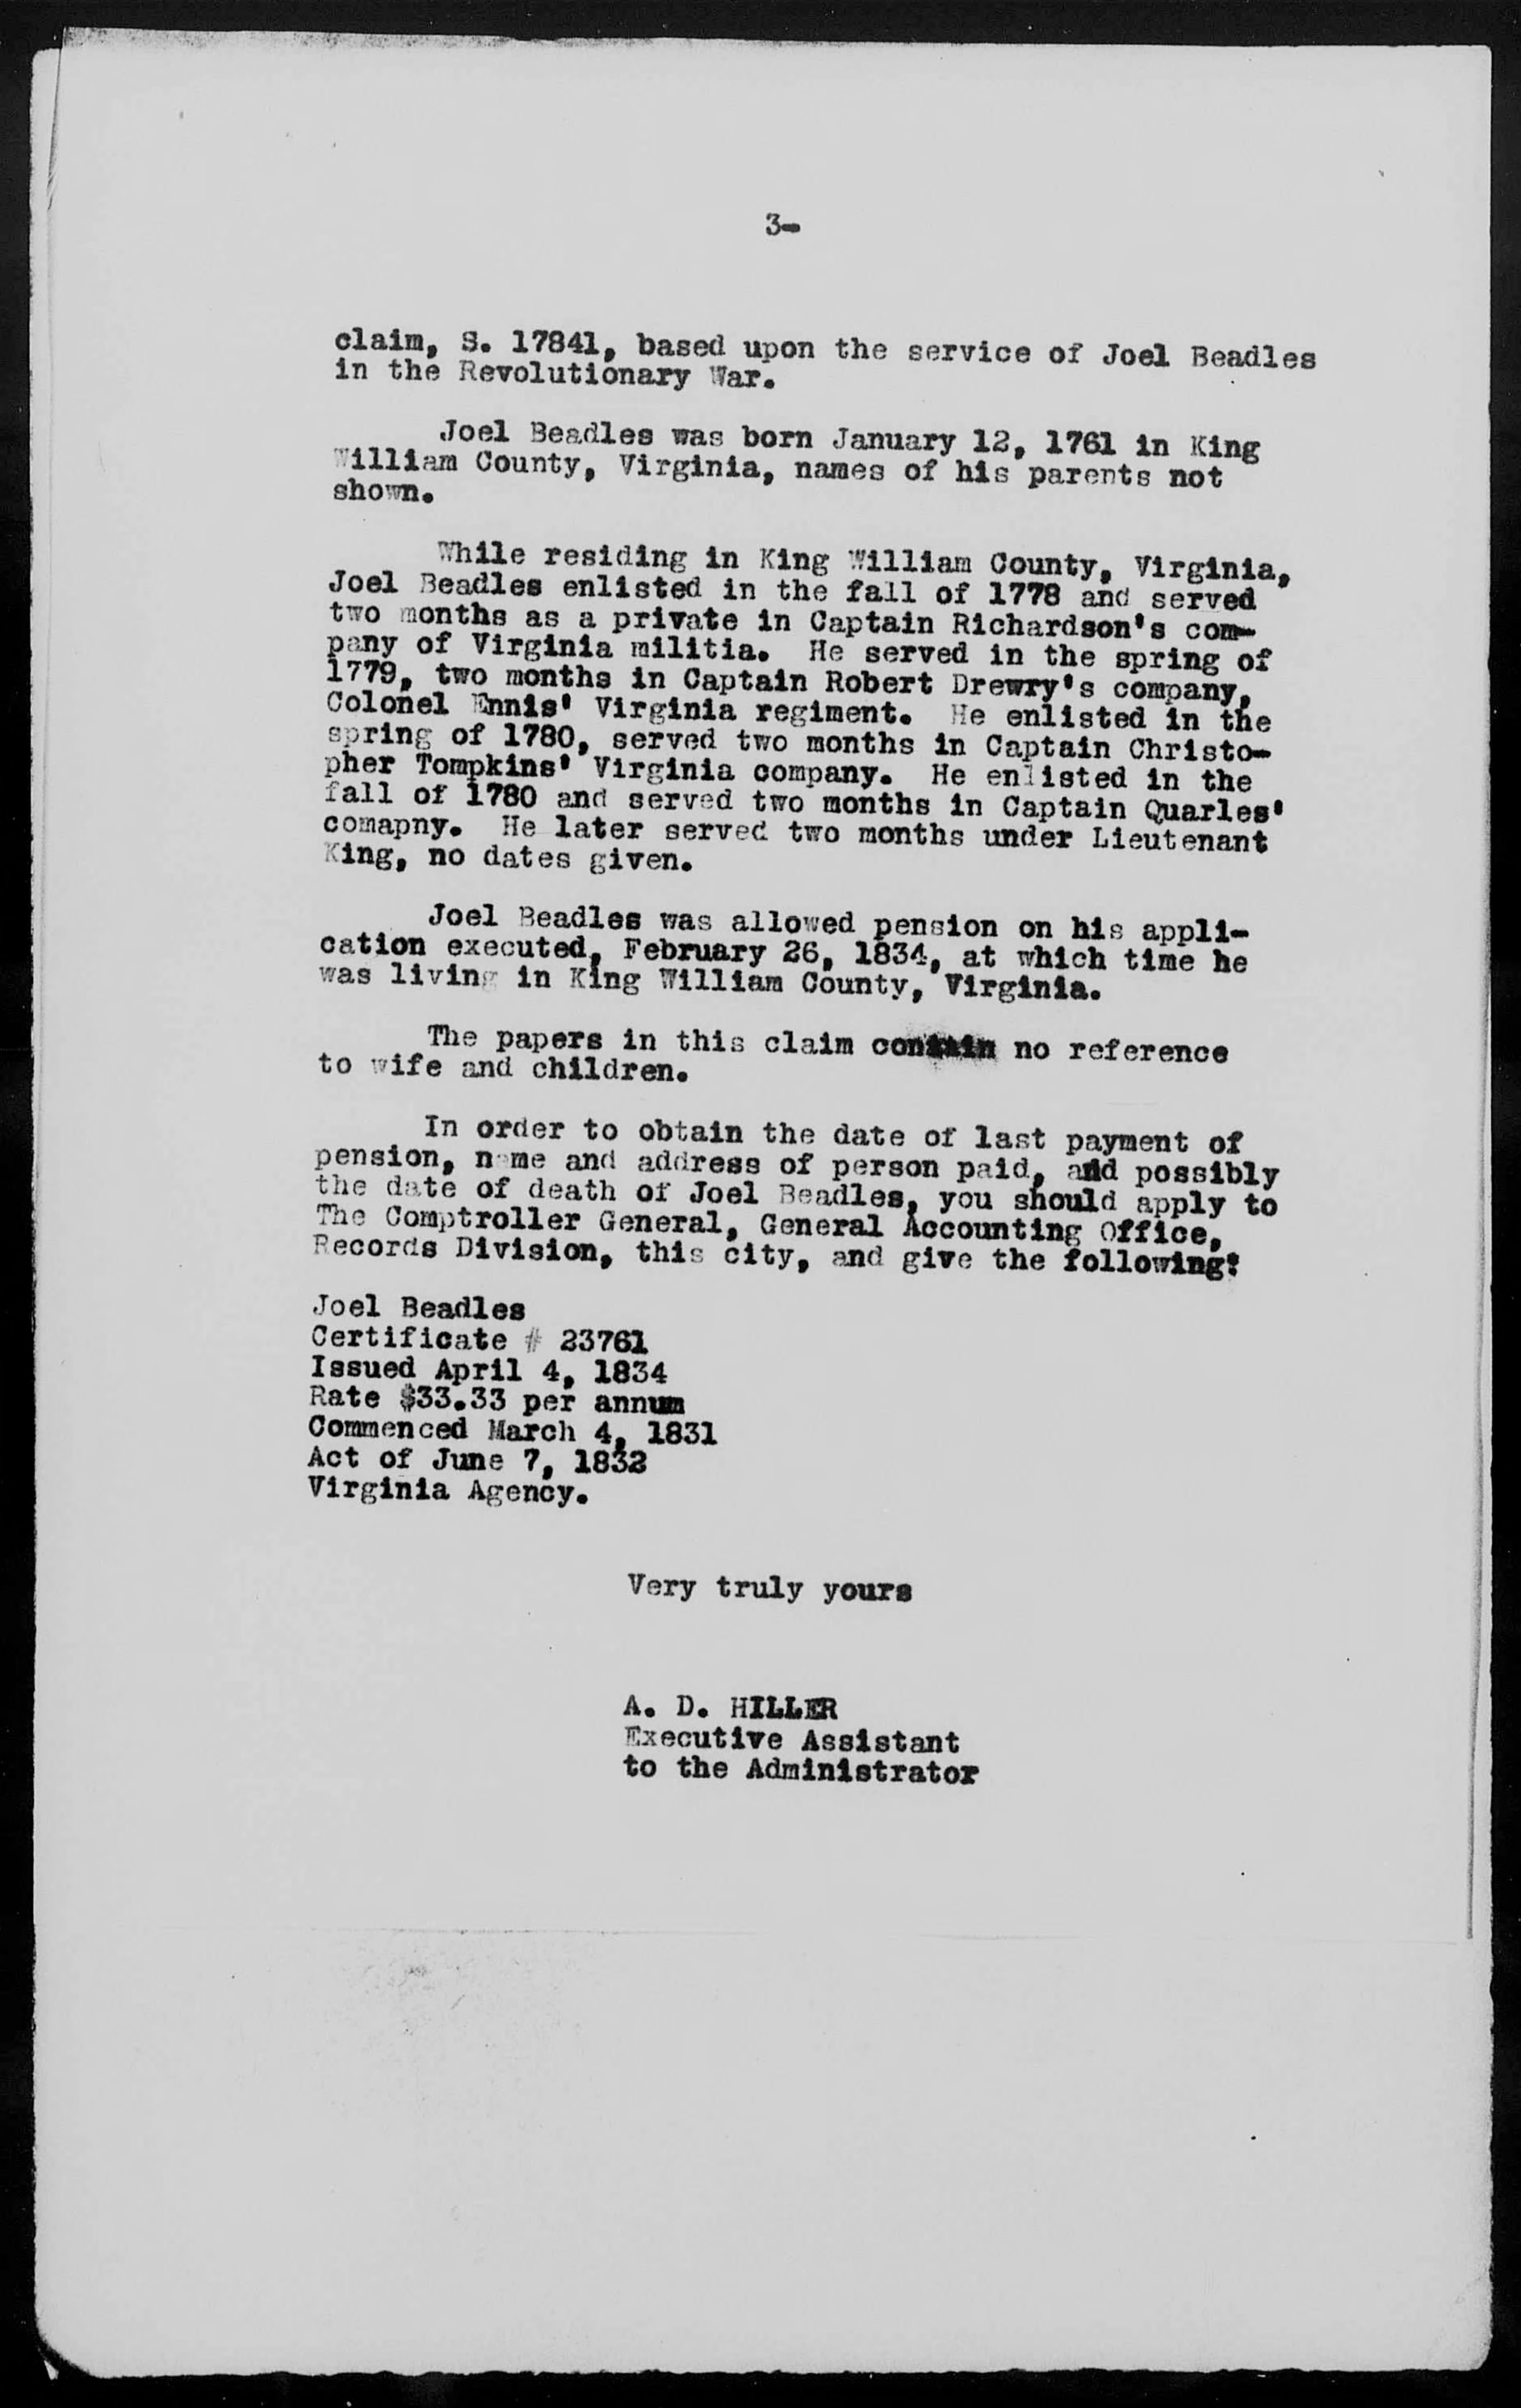claim, S. 17841, based upon the service of Joel Beadles in the Revolutionary War.

Joel Beadles was born January 12, 1761 in King William County, Virginia, names of his parents not shown.

While residing in King William County, Virginia, Joel Beadles enlisted in the fall of 1778 and served two months as a private in Captain Richardson's company of Virginia militia. He served in the spring of 1779, two monthsin Captain Robert Drewry's company, Colonel Ennis' Virginia regiment. He enlisted in the spring of 1780, served two months in Captain Christopher Tompkins' Virginia company. He enlisted in the fall of 1780 and served two months in Captain Quarles' company. He later served two momths under Lieutenant King, no dates given.

Joel Beadles was allowed pension on his applicatino executed, February 26, 1834, at which time he was living in King William County, Virginia.

The papers in this claim contain no reference to wife and children.

In order to obtain the date of last payment of pension, name and address of person paid, and possibley the date of death of Joel Beadles, you should apply to The Comptroller Genera, General Accounting Office, Records Division, this city, and give the following:

Joel Beadles
Certificate # 23761
Issued April 4, 1834
Rate $33.33 per annum
Commencted March 4, 1831
Act of June 7, 1832
Virginia Agency

Very truly yours

A. D. HILLER
Executive Assistant
to the Administrator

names: Joel Beadles, Joel Beadles, A D Hiller, Joel Beadles, Joel Beadles, Joel Beadles, Joel Beadles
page: 9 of 13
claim: survivor's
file: S. 17841, Joel Beadles, Va.